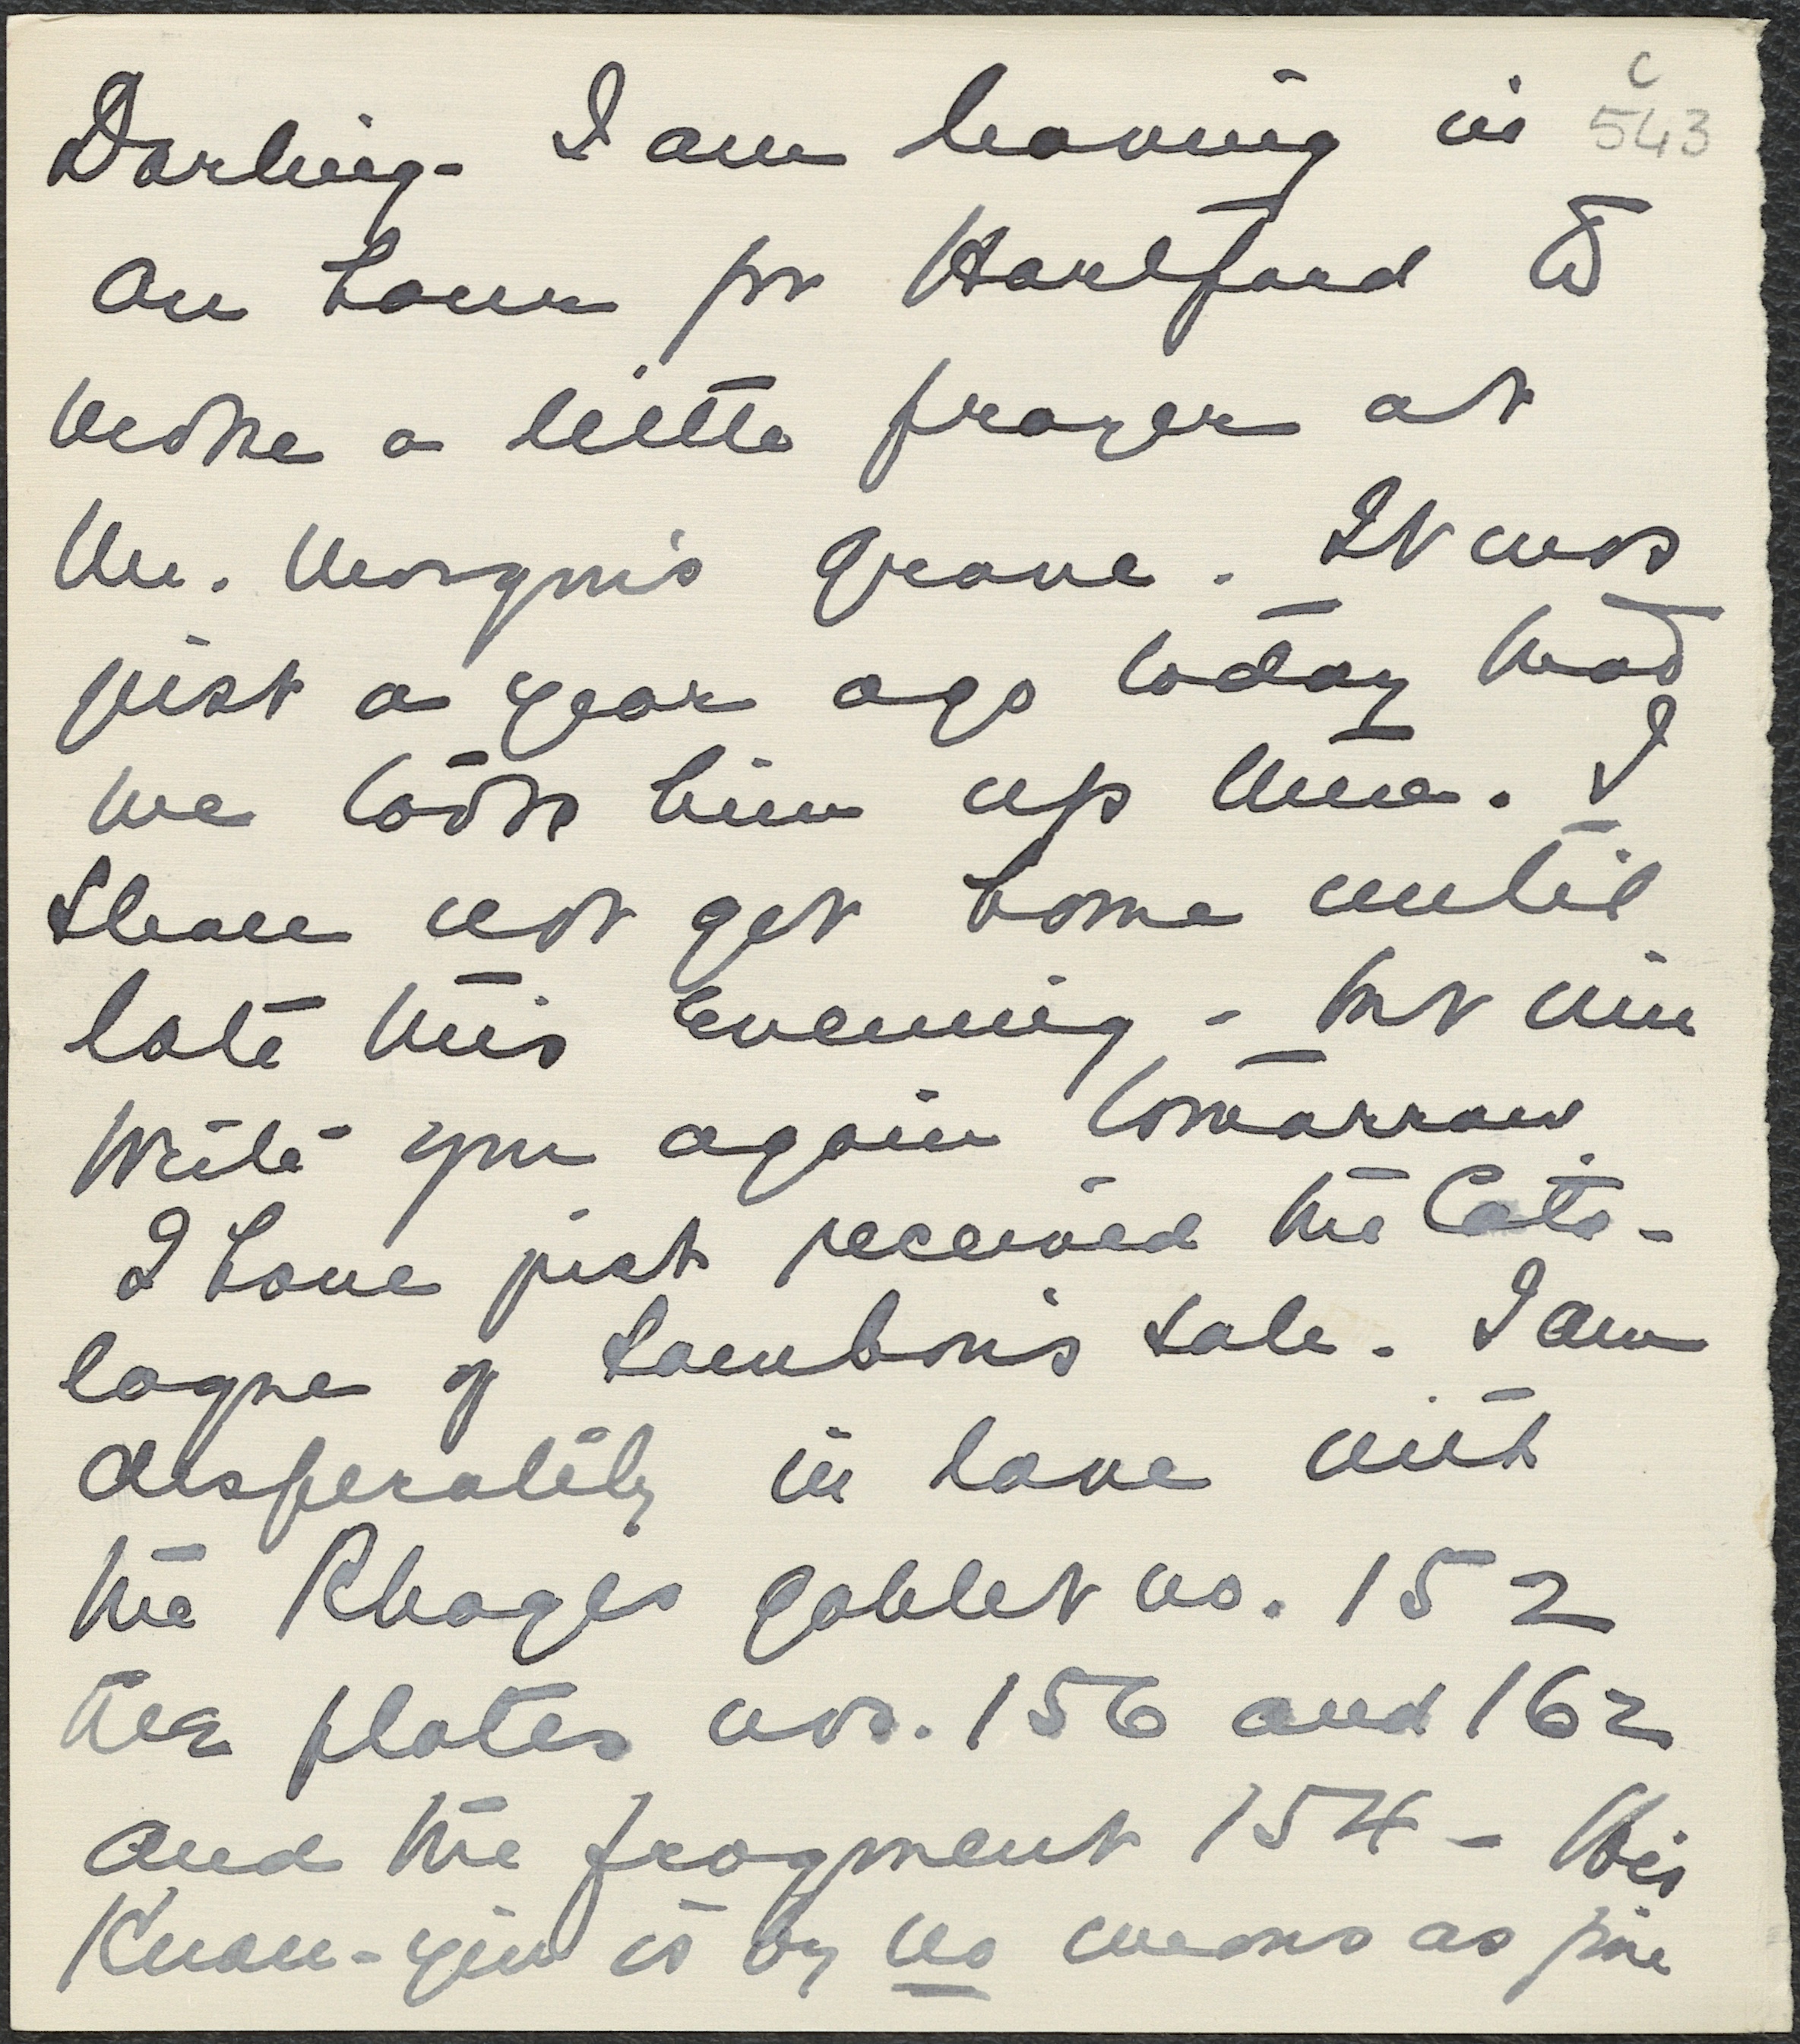Darling – I am leaving in an hour for Hartford to make a little prayer at Mr. Morgan’s grave – It was just a year ago today that we took him up there. I shall not get home until late this evening – but will write you again tomorrow.
I have just received the Catalogue of Sambon’s sale. I am desperately in love with the Rhoges goblet no. 152 the plates nos. 156 and 162 and the fragment 154 – This Kwan-yin is by no means as fine